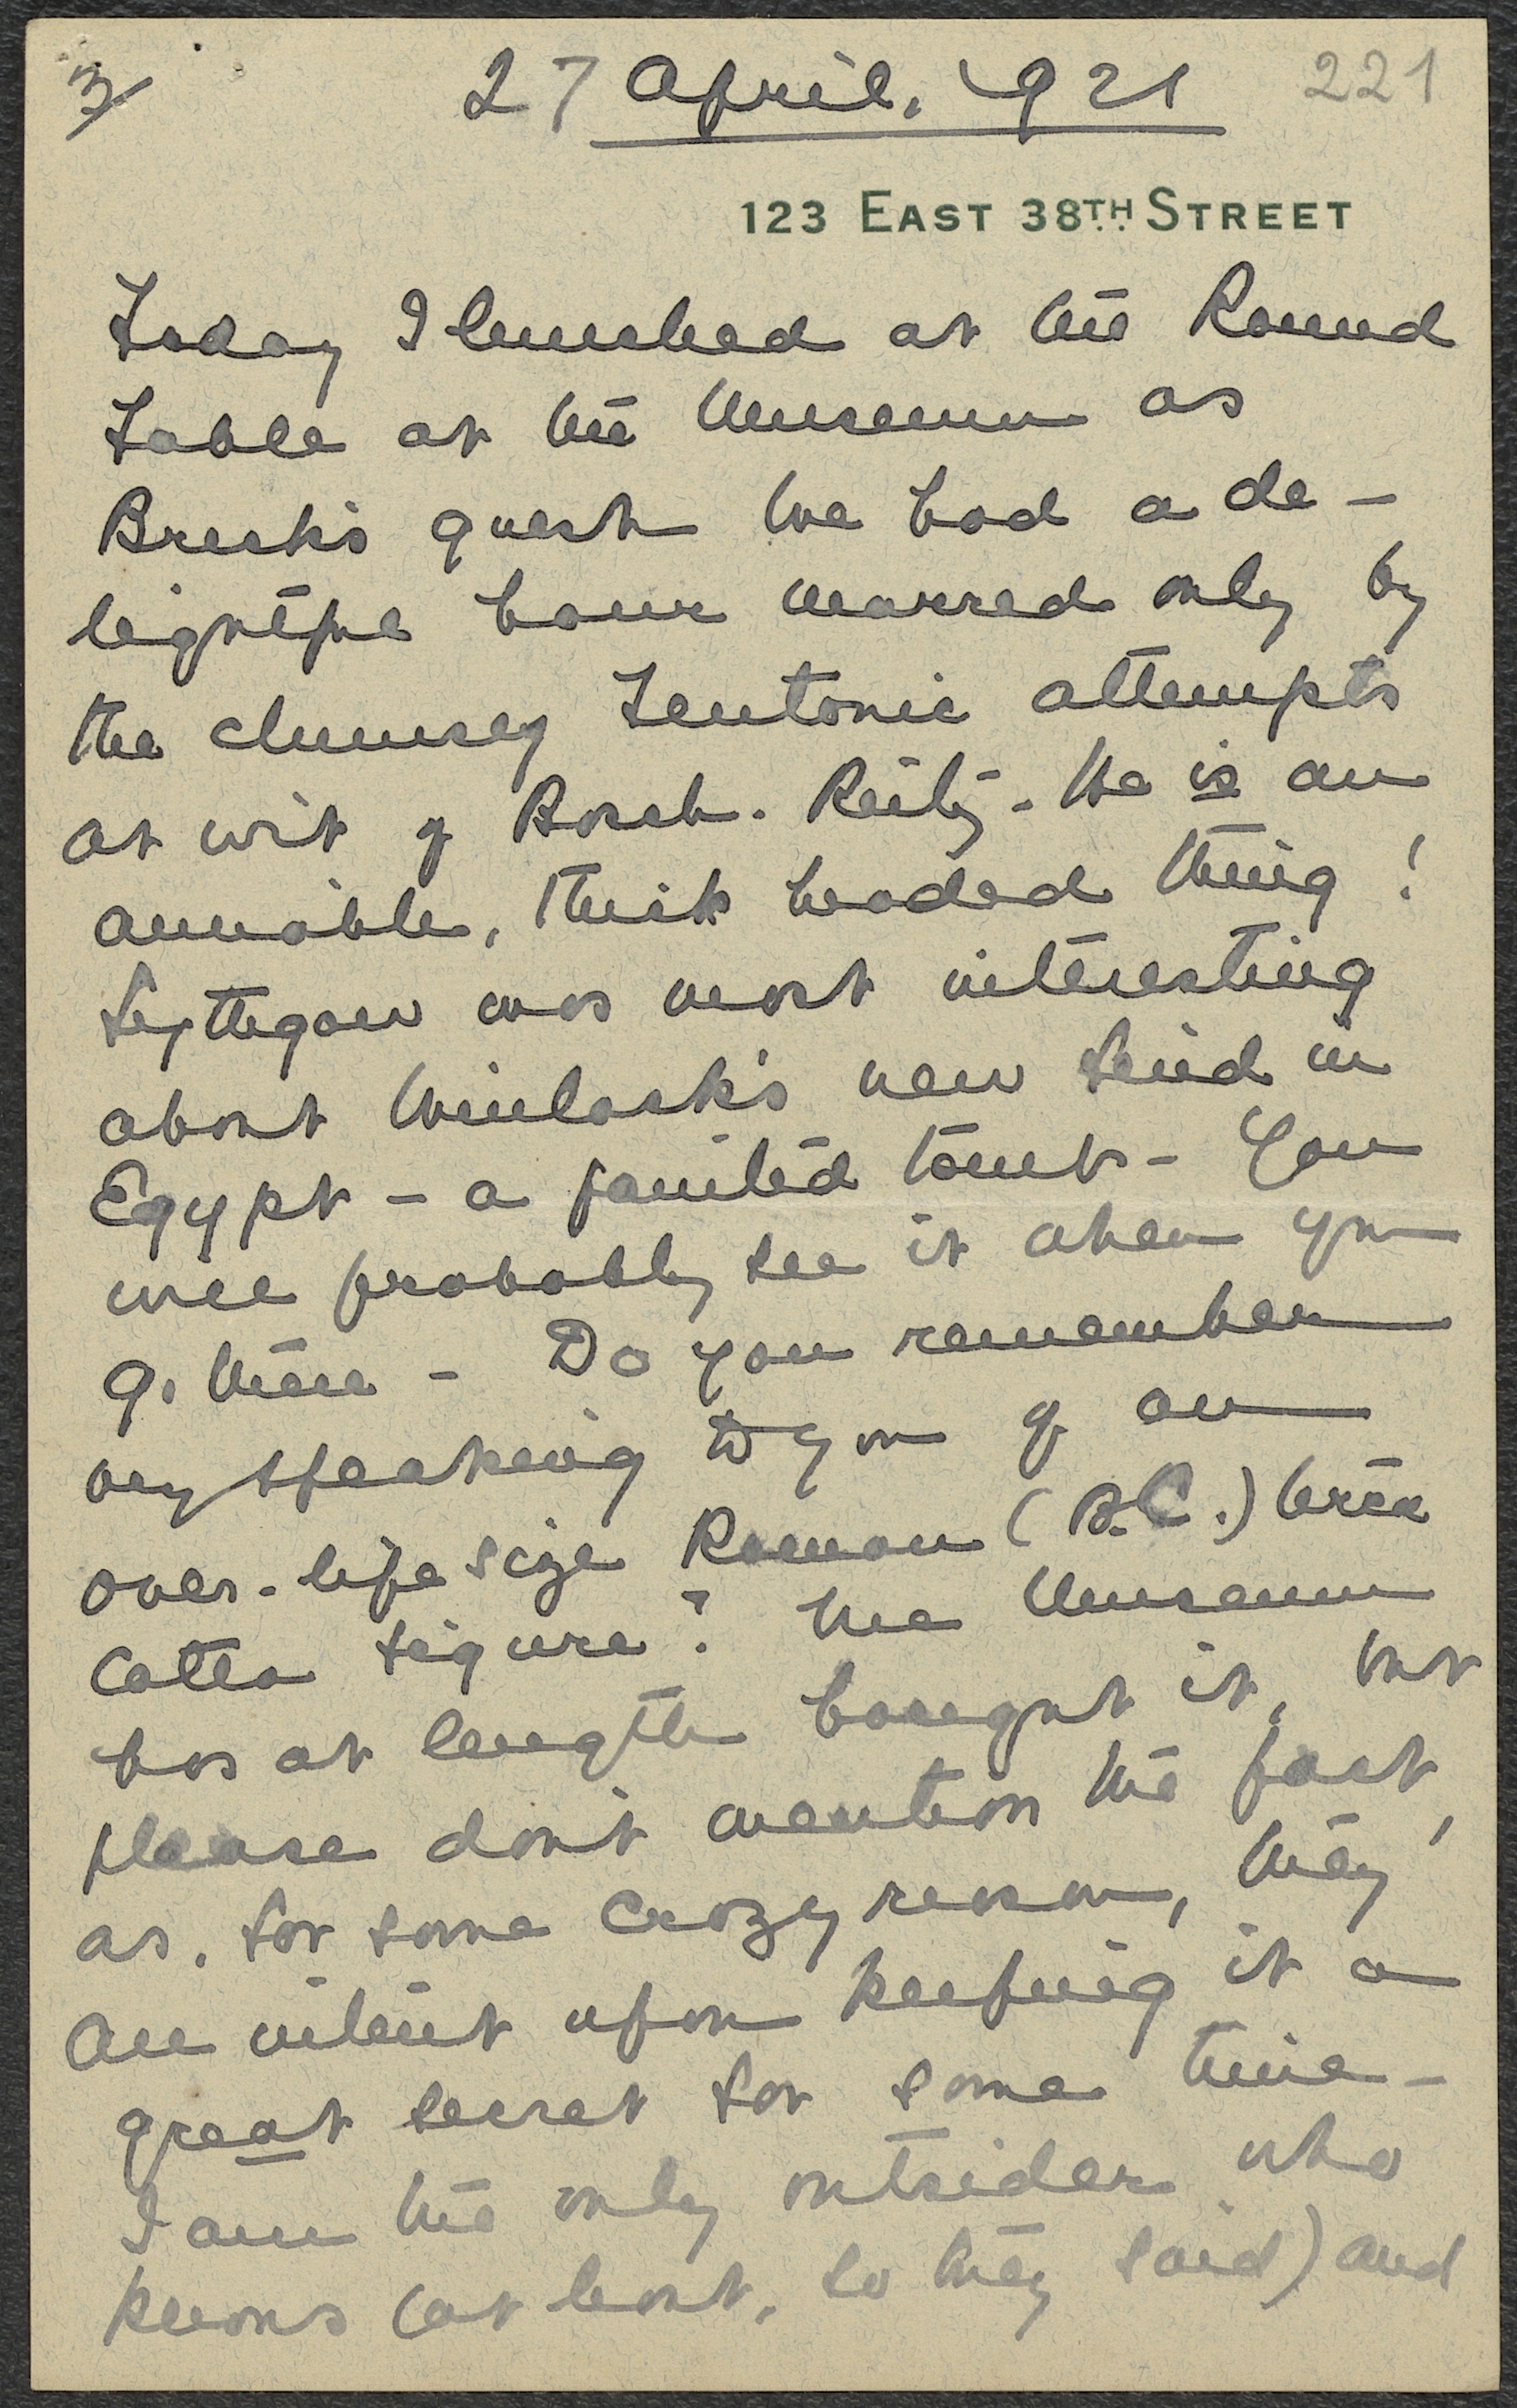27 April 1921
Today I lunched at the Round Table at the Museum as Breck’s guest We had a delightful hour marred only by the clumsy Teutonic attempts at wit of Bosch-Reitz – He is an amiable, thick headed thing! Lythgow [sic] was most interesting about Winlock’s new find in Egypt – a painted tomb – You will probably see it when you go there – Do you remember my speaking to you of an over-life size Roman (B.C.) terra cotta figure? The Museum has at length bought it, but please don’t mention the fact, as, for some crazy reason, they are intent upon keeping it a great secret for some time – I am the only outsider who knows (at least, so they said) and